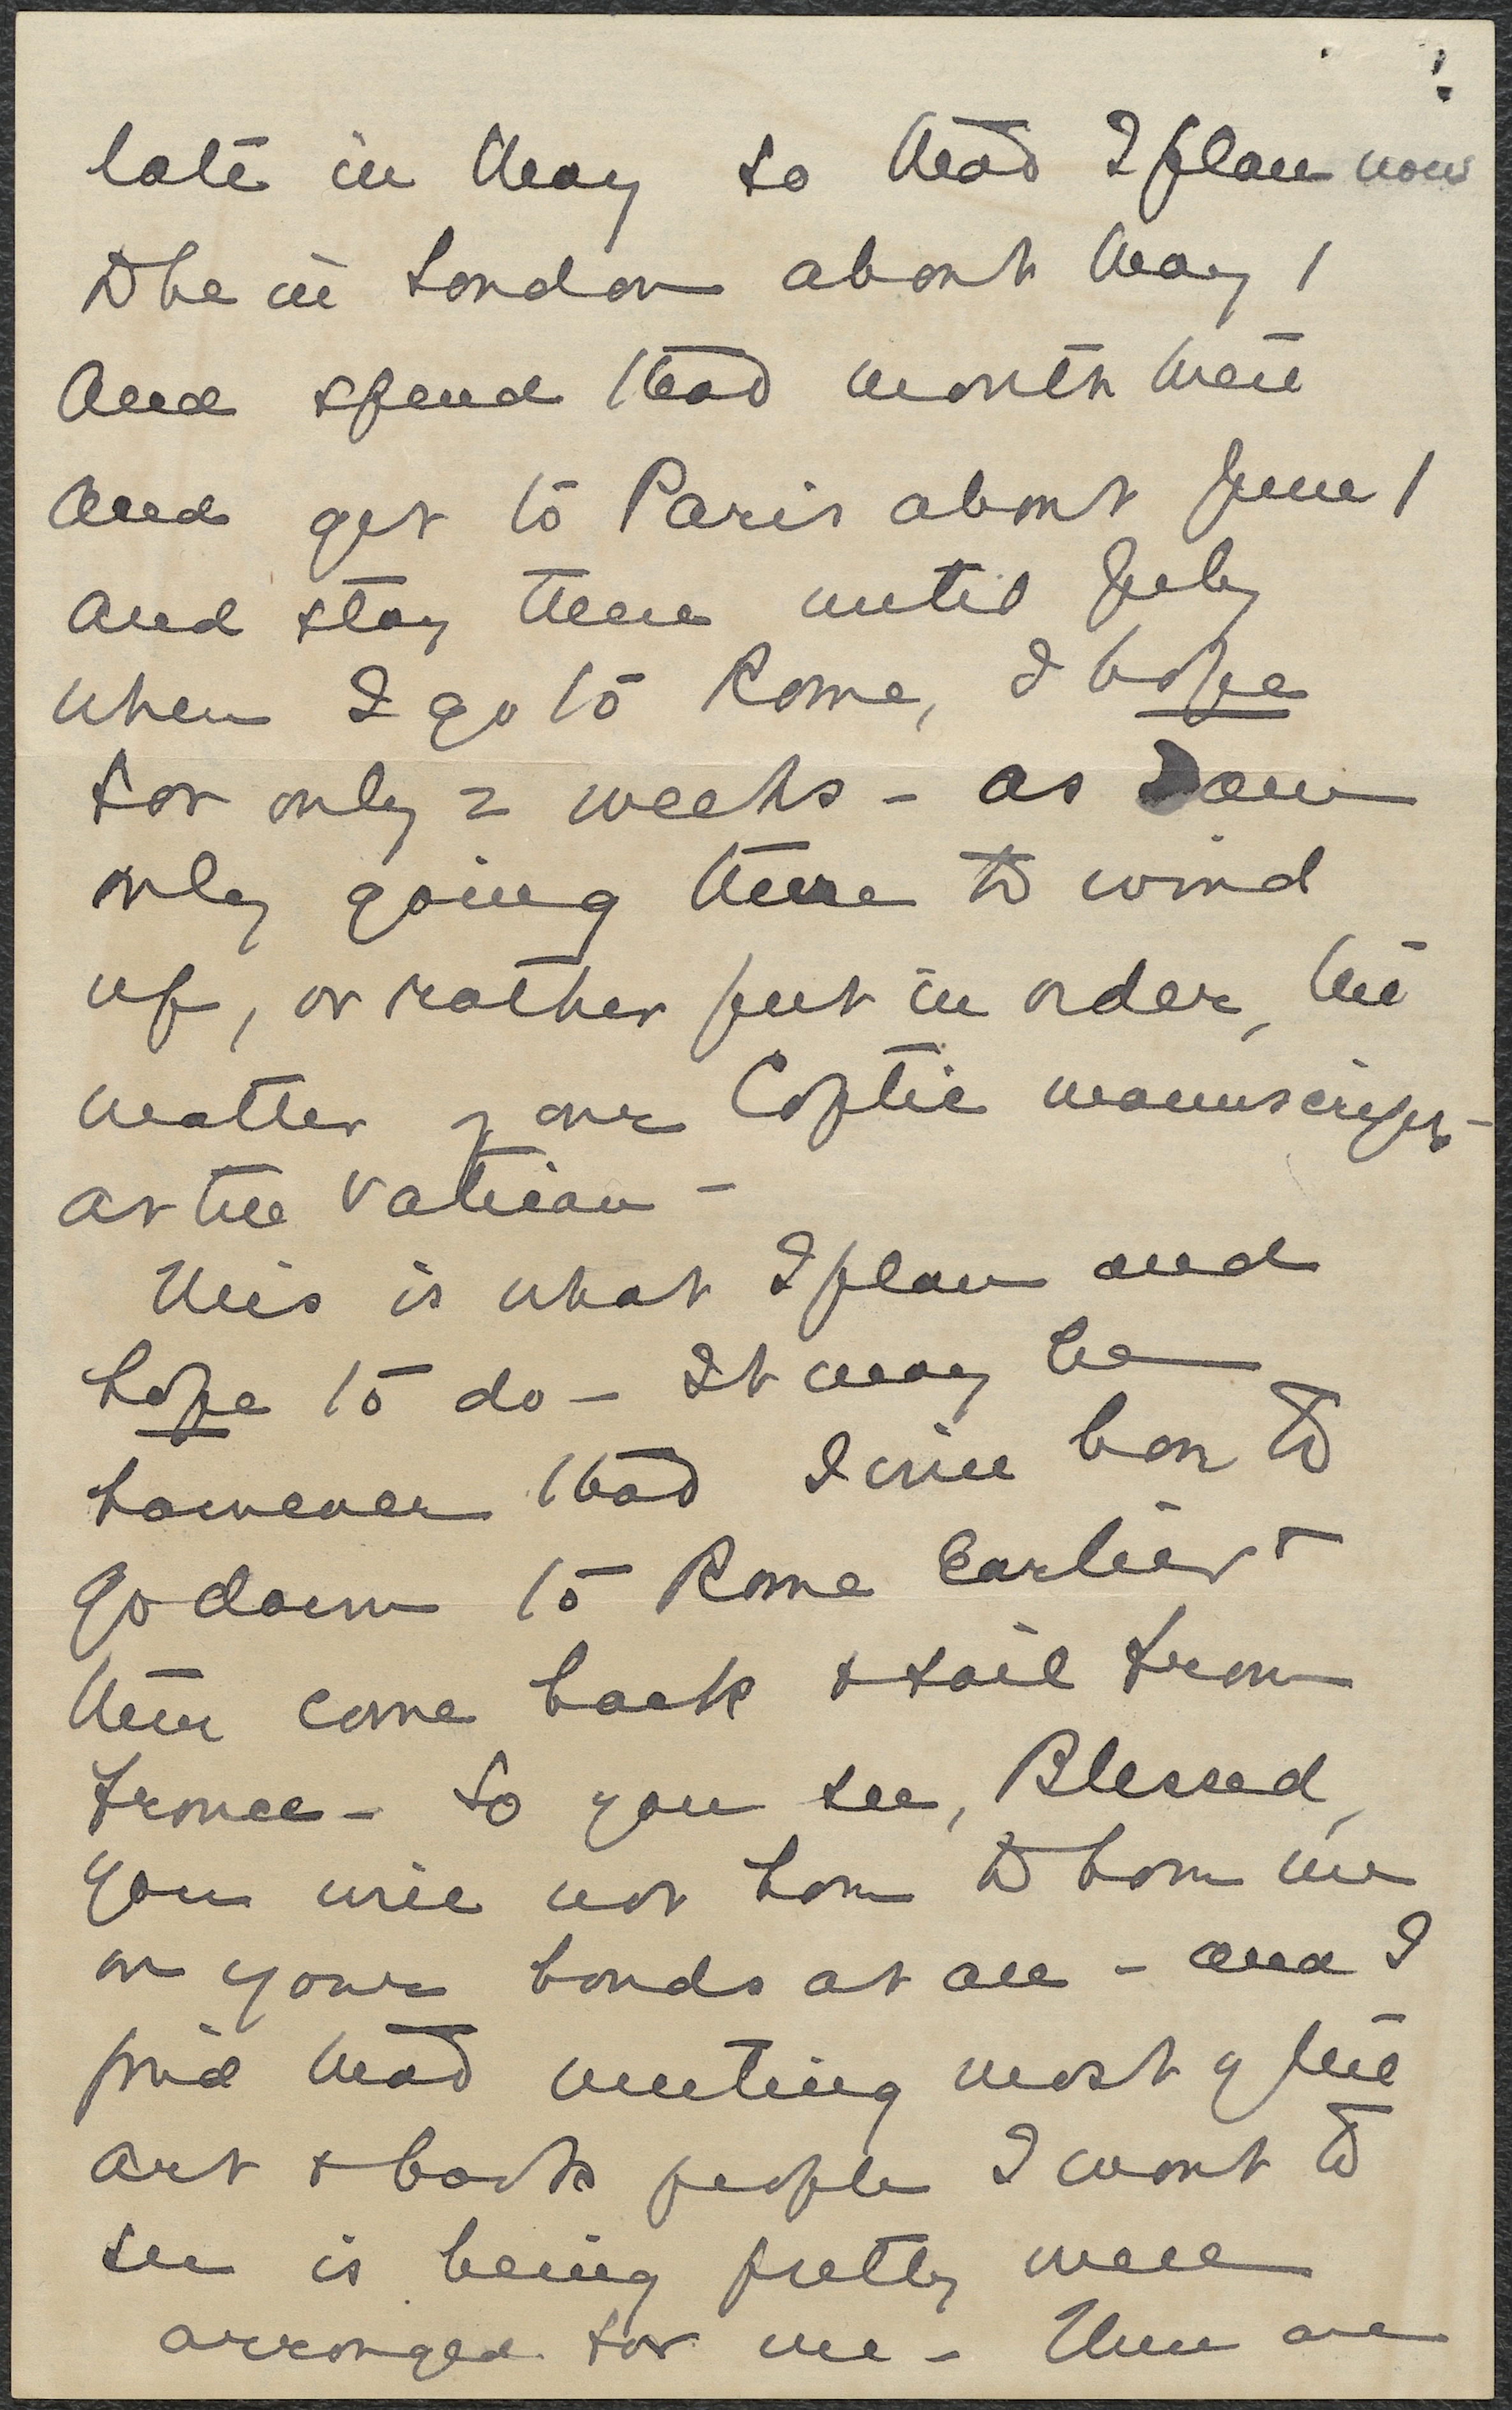late in May so that I plan now to be in London about May 1 and spend that month there and get to Paris about June 1 and stay there until July when I go to Rome. I hope for only 2 weeks – as I am only going there to wind up, or rather put in order, the matter of our Coptic manuscripts – at the Vatican –
This is what I plan and hope to do – It may be however that I will have to go down to Rome earlier & then come back & sail from France – so you see, Blessed, you will not have to have me on your hands at all – and I find that meeting most of the art & book people I want to see is being pretty well arranged for me – There are